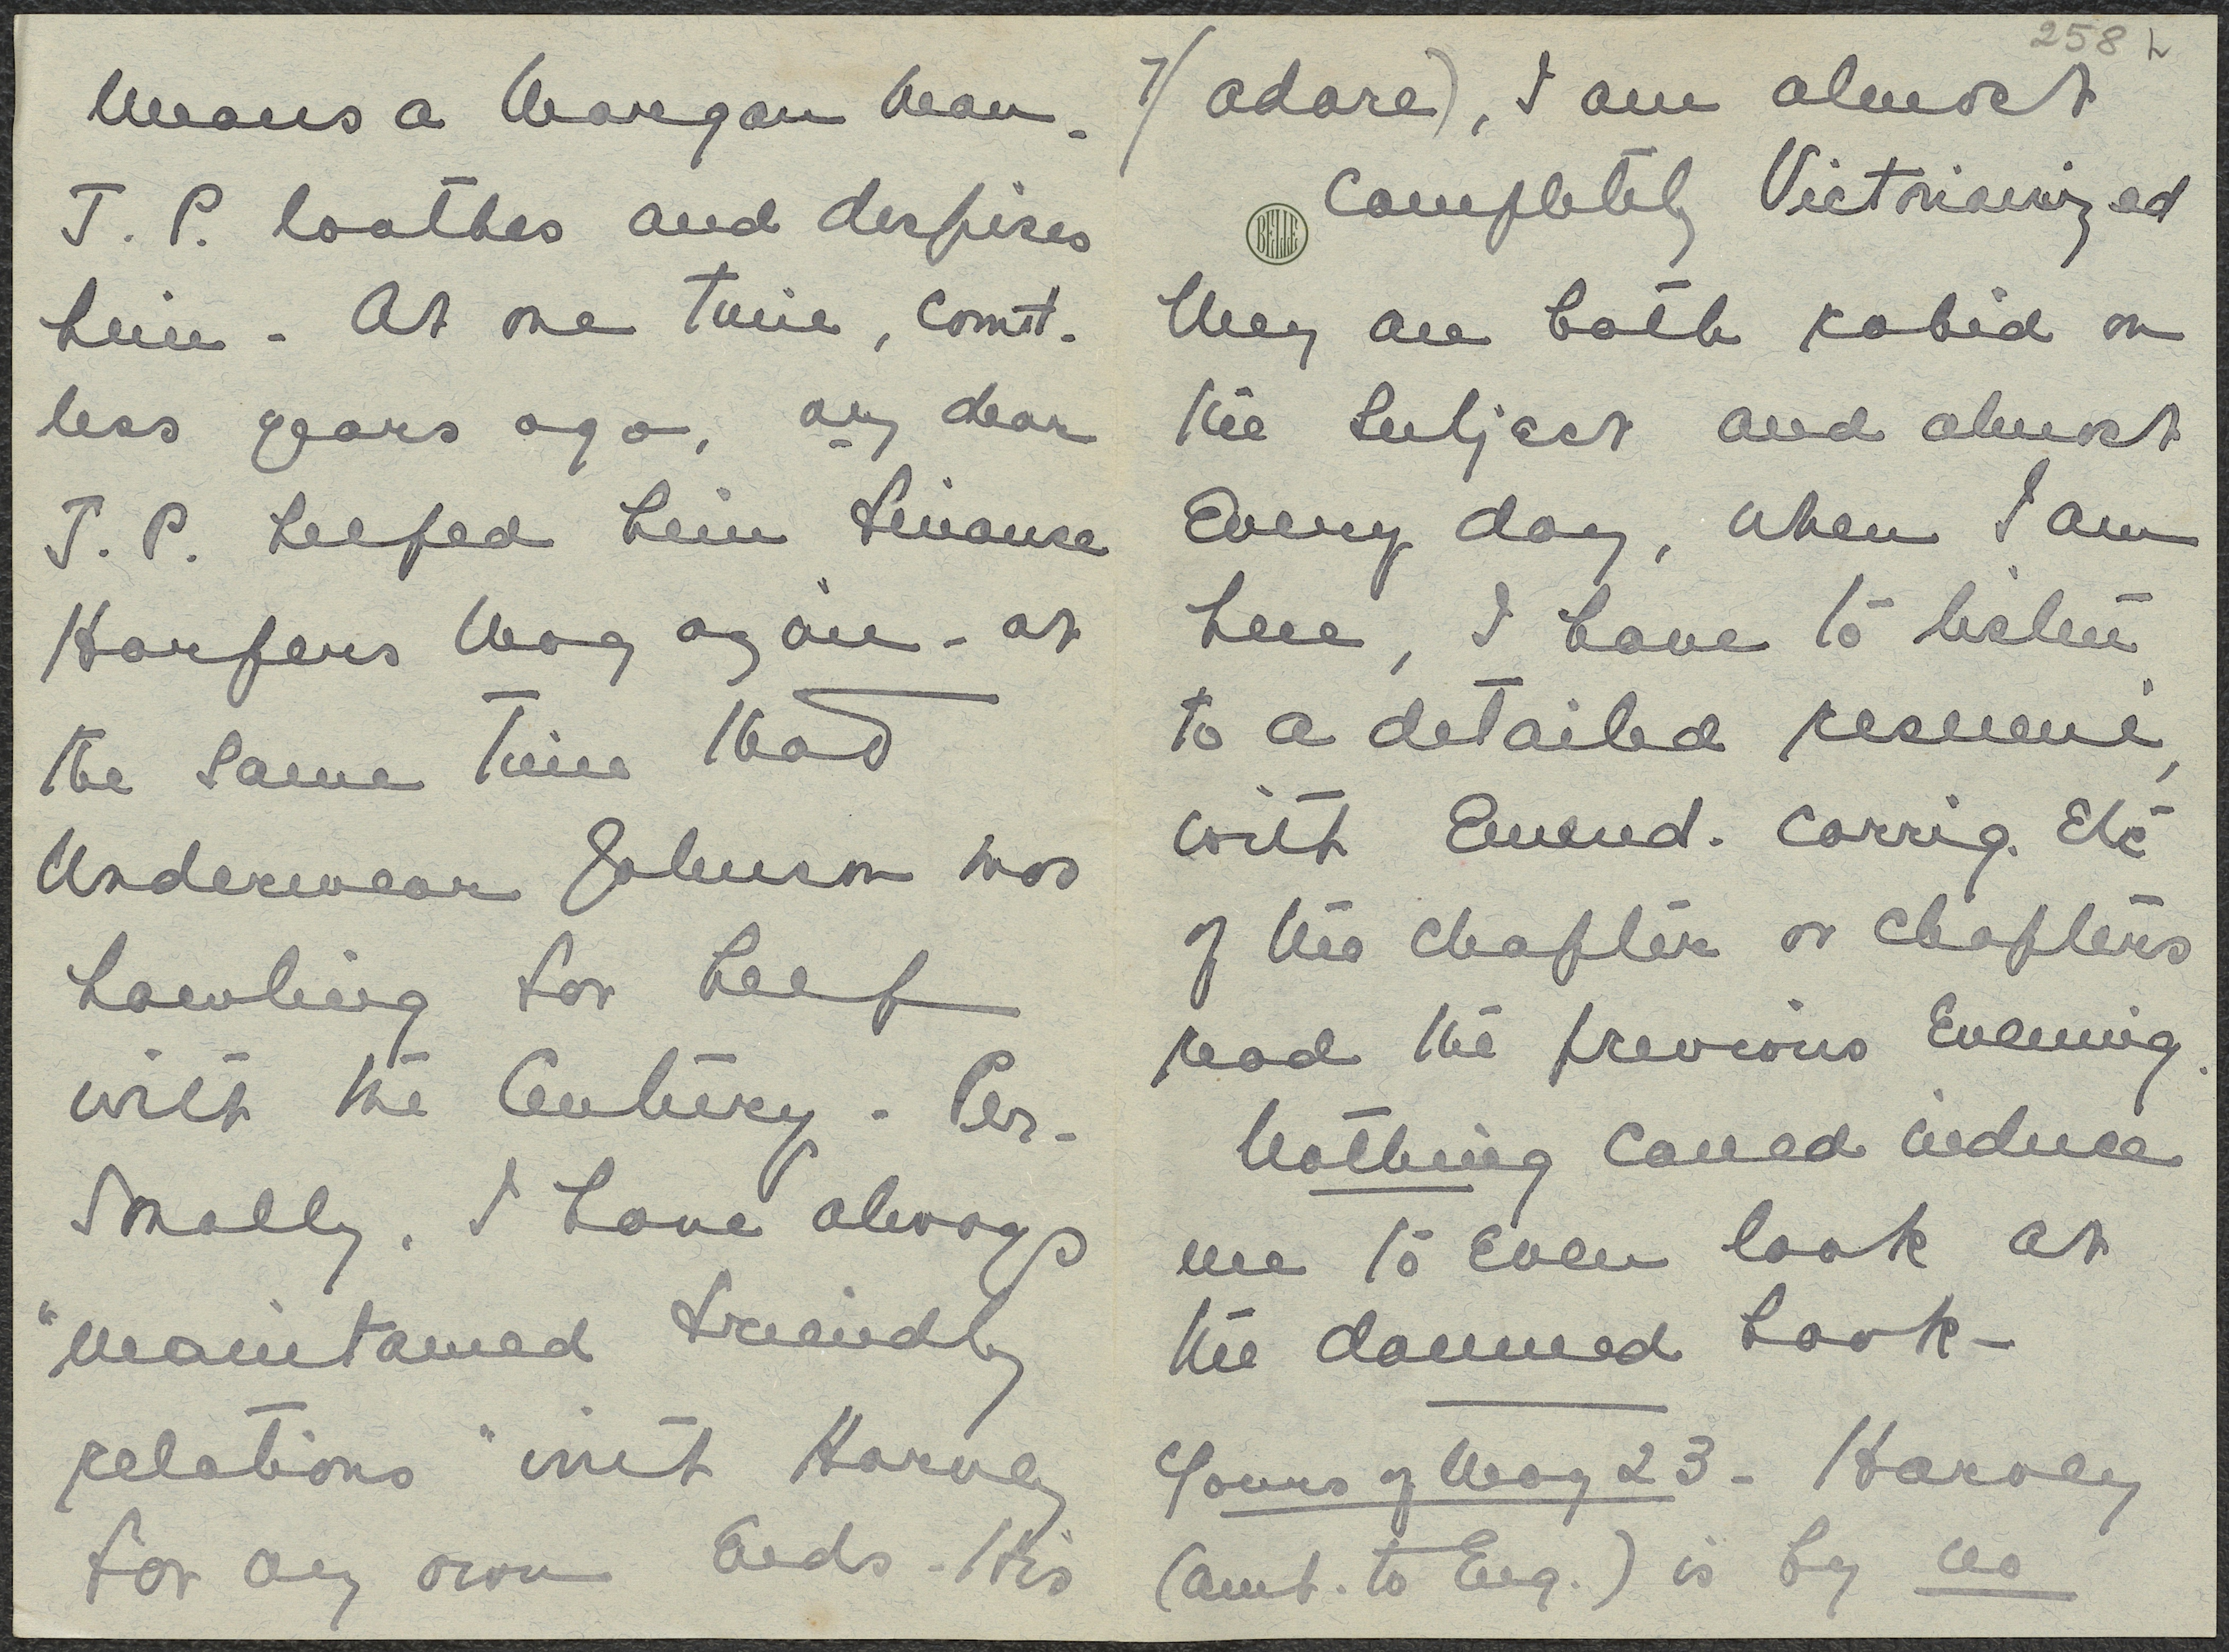7/
adore), I am almost completely Victorianized
They are both rabid on the subject and almost every day, when I am here, I have to listen to a detailed resumé with Emend. corrig. etc of the chapter or chapters read the previous evening.
Nothing could induce me to even look at the damned book –
Yours of May 23 – Harvey (amb. to Eng.) is by no
means a Morgan man – J. P. loathes and despises him – At one time, countless years ago, my dear J. P. helped him finance Harpers Magazine – at the same time that Underwear Johnson was howling for help with the Century – Personally, I have always “maintained friendly relations” with Harvey for my own ends – His